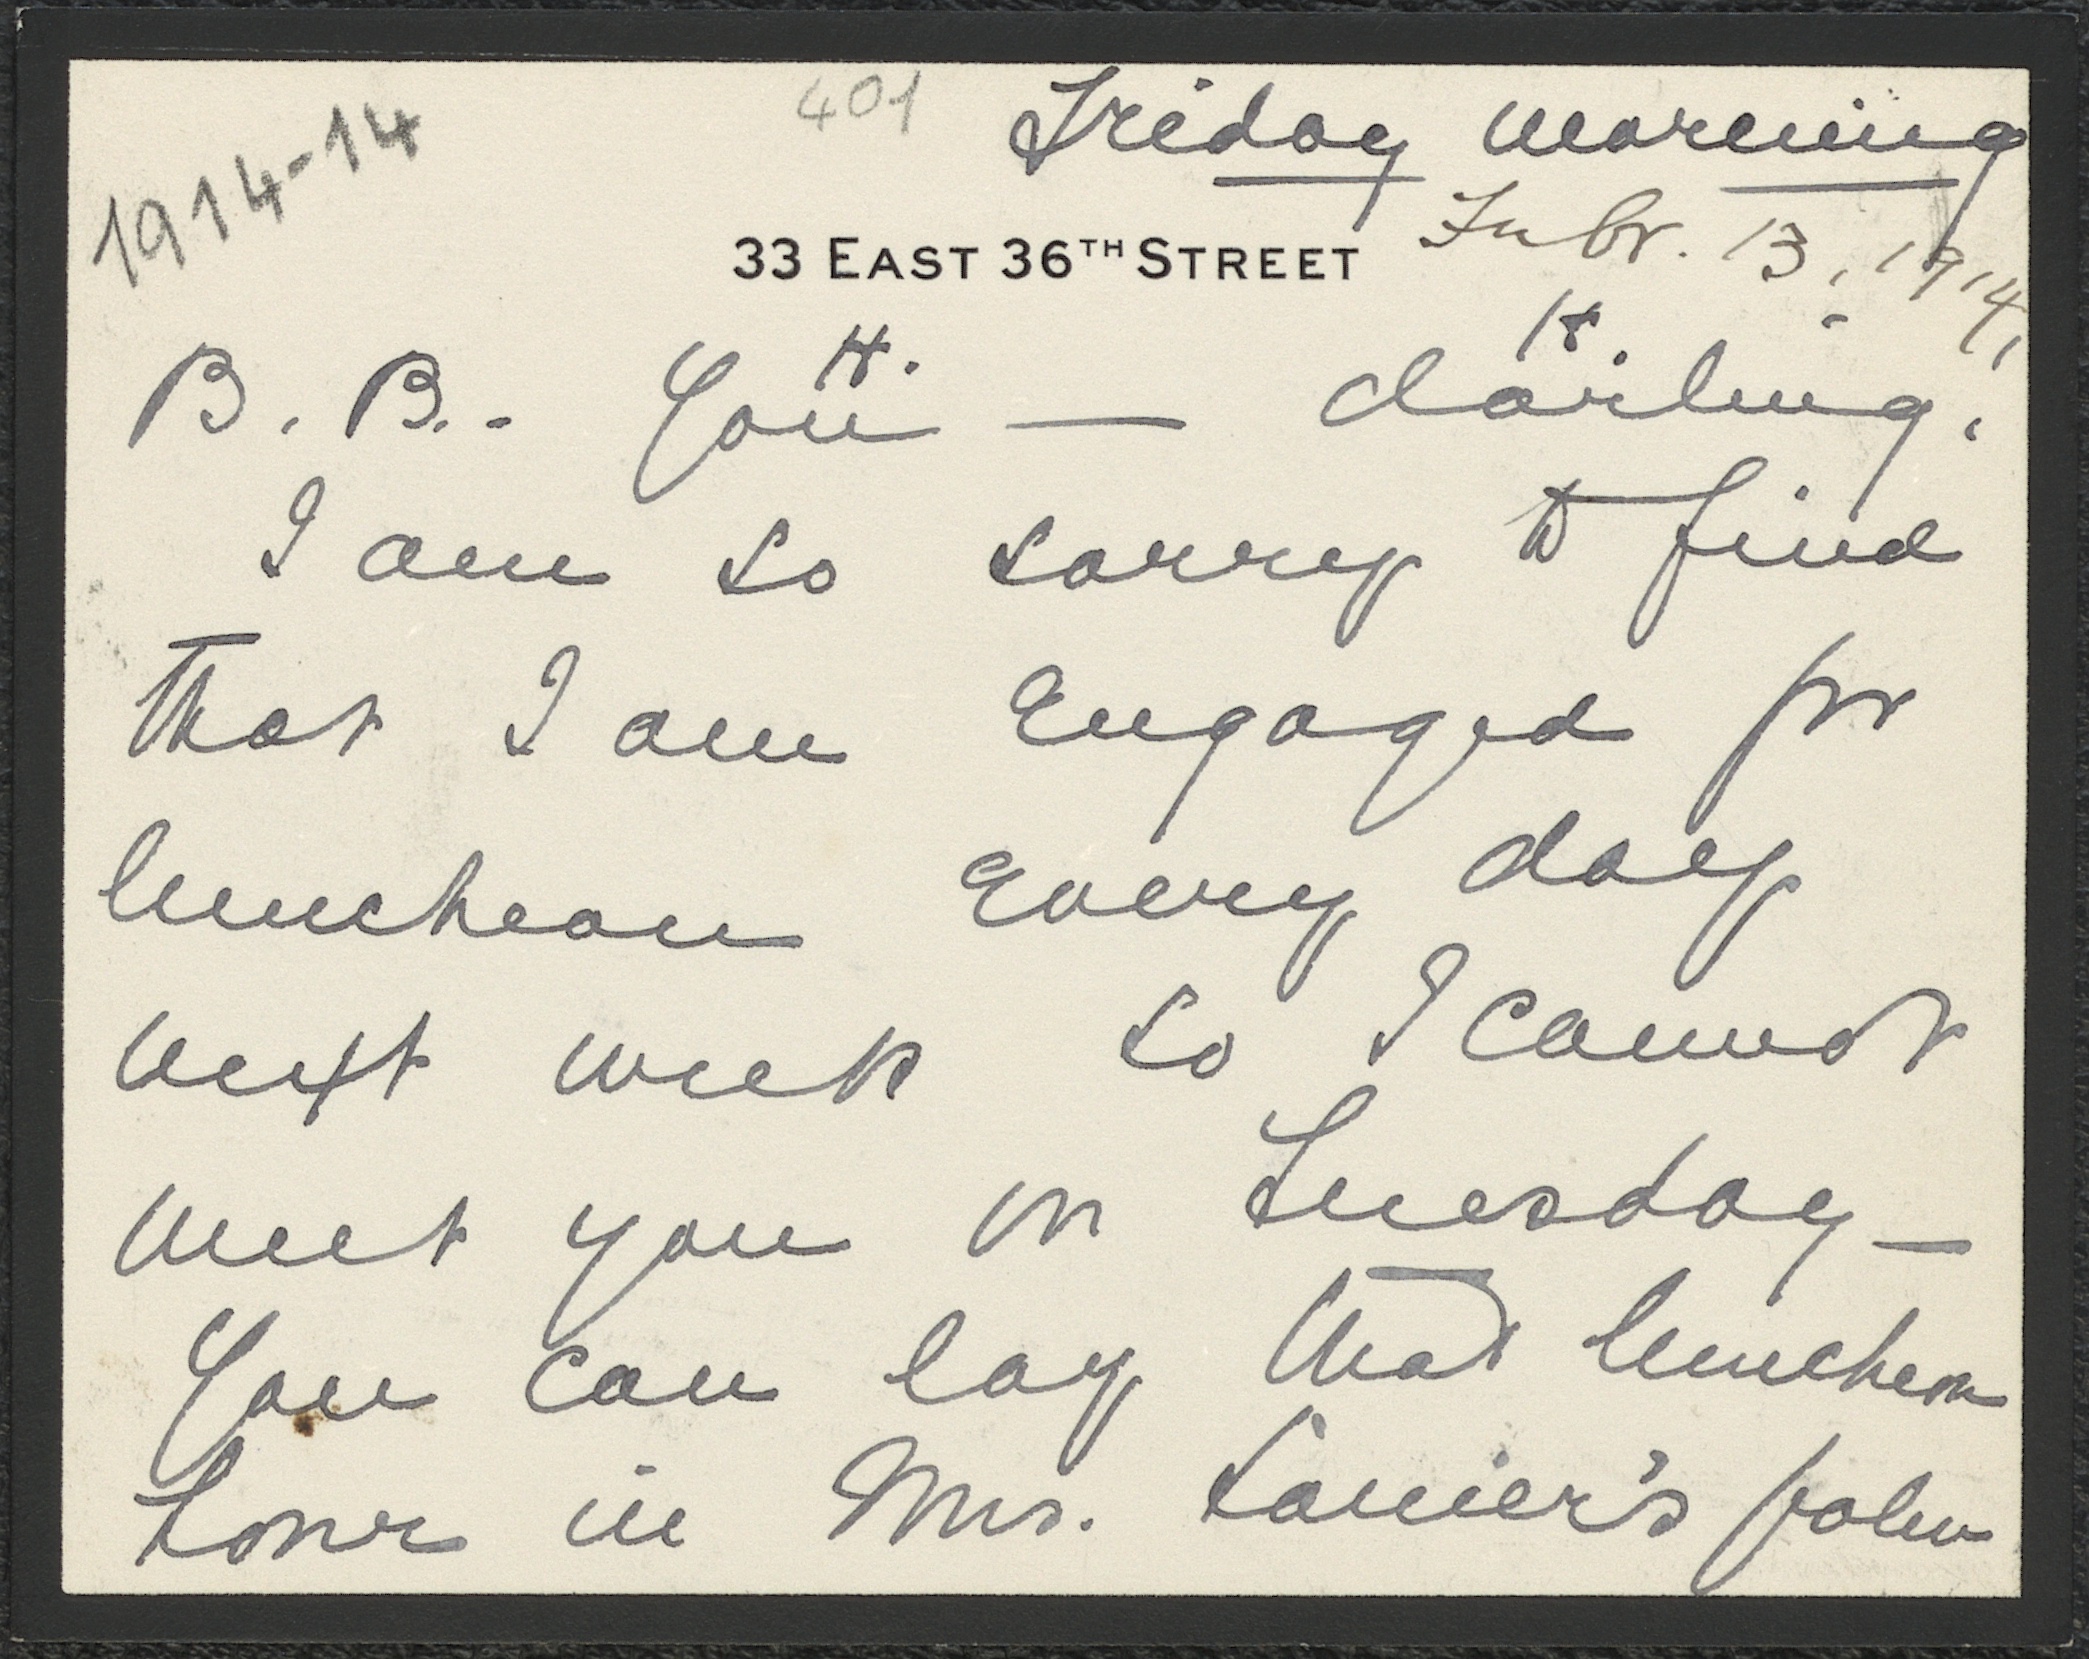Friday morning
[centered underneath letterhead: H.H.]
B.B. – You – darling!
I am so sorry to find that I am engaged for luncheon every day next week so I cannot meet you on Tuesday – You can lay that luncheon hour in Mrs. Lanier’s palm